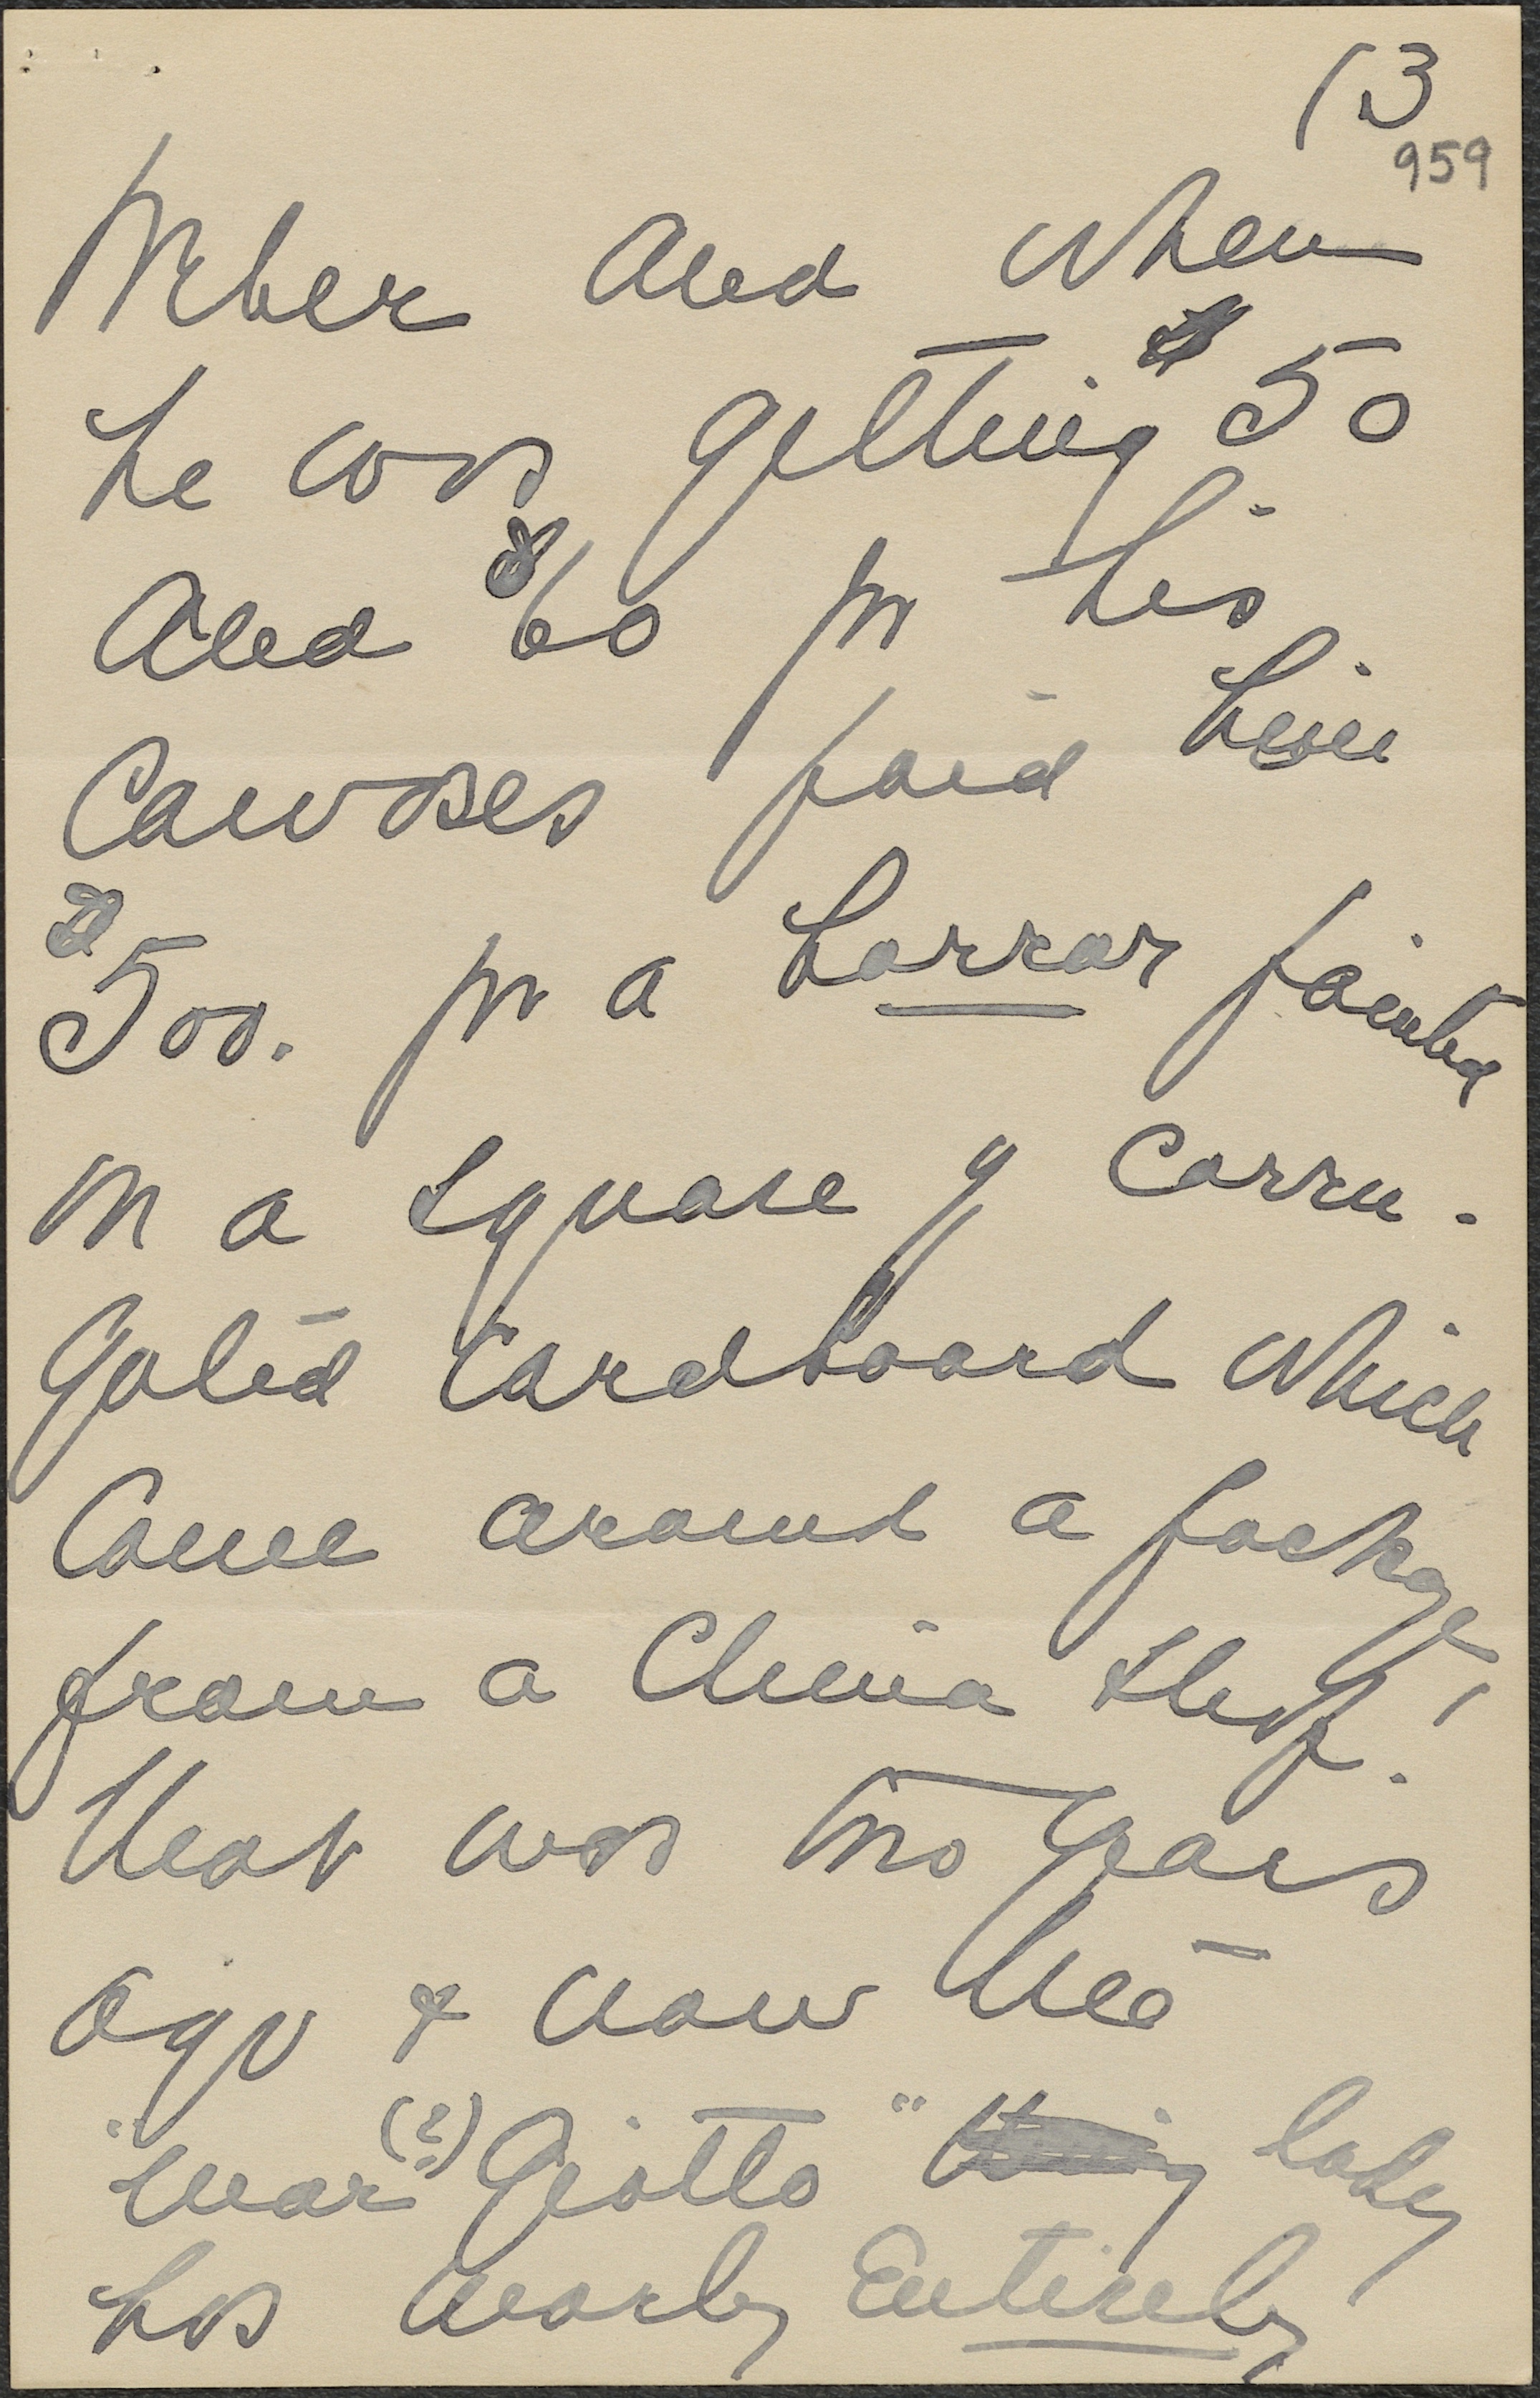Weber and when he was getting $50 and $60 for his canvases paid him $500. for a horror painted on a square of corrugated cardboard which came around a package from a China shop! That was two years ago & now the “near [^(?)^] Giotto” thing lady has nearly entirely